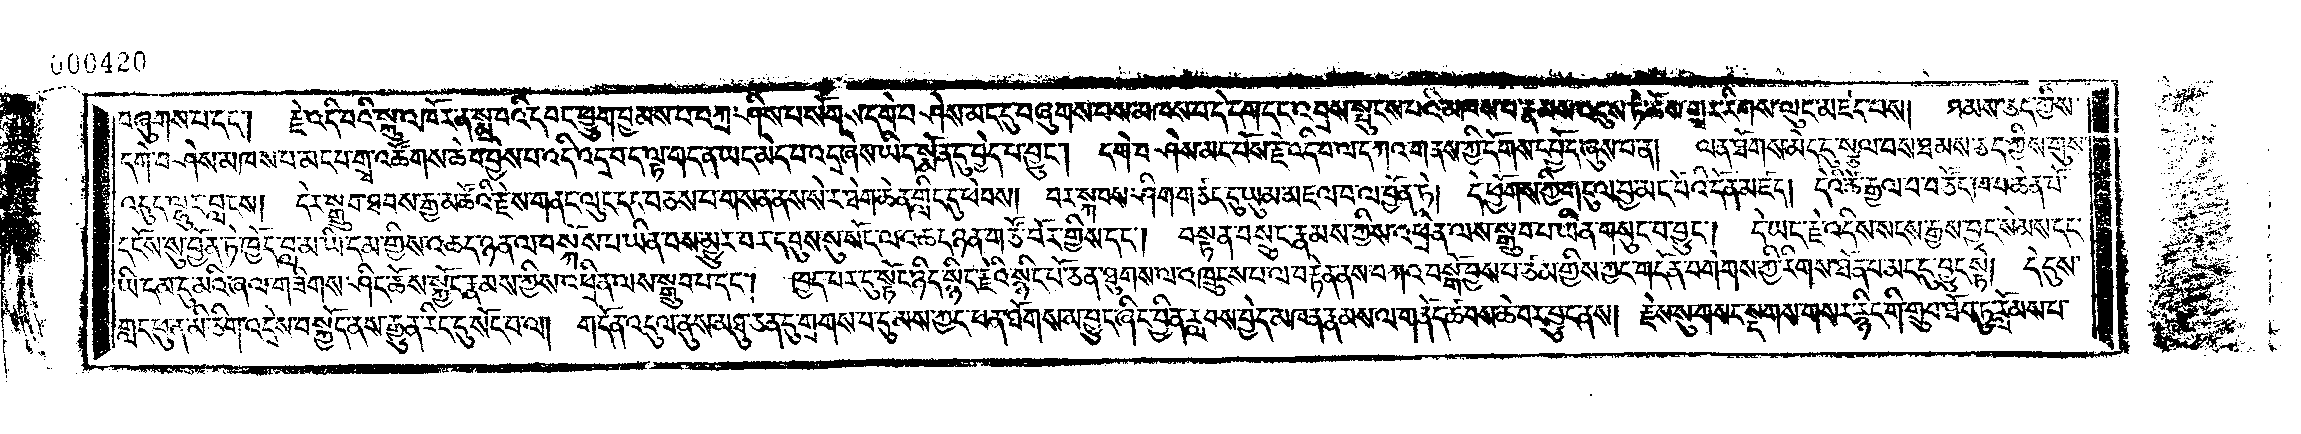བཞུགས་པ་དང་། རྗེ་འདི་བའི་སྐུ་འཁོར་ན་སྨྲ་བའི་དབང་ཕྱུག་བྱམས་པ་བཀྲ་ཤིས་པ་སོགས་དགེ་བཤེས་མང་དུ་བཞུགས་པས་མཁས་པ་དེ་དག་དང་འབྲས་སྤུངས་པའི་མཁས་པ་རྣམས་འདུས་ཏེ་ཆོས་གྲྭར་རིགས་ལུང་མཛད་པས། ཐམས་ཅད་ཀྱིས་
དགེ་བཤེས་མཁས་པ་མང་པ་གྲྭ་འཚོགས་ཆེ་བ་བྱེས་པ་འདི་འདྲ་བ་ད་ལྟ་གང་ན་ཡང་མེད་པ་འདྲ་ཞེས་ཡིད་སྨོན་དུ་བྱེད་པ་བྱུང་། དགེ་བཤེས་མང་པོས་རྗེ་འདི་པ་ལ་དཀའ་གནས་ཀྱི་དོགས་དཔྱོད་ཞུས་པ་ན། ལན་ཐོགས་མེད་དུ་སྩལ་བས་ཐམས་ཅད་ཀྱིས་གུས་
འདུད་ལྷུར་བླངས། དེར་སྒྲུབ་ཐབས་རྒྱ་མཚོའི་རྗེས་གནང་ལུང་དང་བཅས་པ་གསན་ནས་སེར་ཐེག་ཆེན་གླིང་དུ་ཕེབས། བར་སྐབས་ཤིག་གཙང་དུ་ཡུམ་མཇལ་བ་ལ་བྱོན་ཏེ། དེ་ཕྱོགས་ཀྱི་གདུལ་བྱ་མང་པོའི་དོན་མཛད། དེའི་ཚེ་རྒྱལ་བ་བཙོད་ཁ་པ་ཆེན་པོ་
དངོས་སུ་བྱོན་ཏེ་ཁྱོད་བླ་མ་ཡི་དམ་གྱིས་འཆད་ཉན་ལ་བསྐོས་པ་ཡིན་པས་མྱུར་བར་དབུས་སུ་སོད་ལ་འཆད་ཉན་གཙོ་བོར་གྱིས་དང་། བསྟན་བསྲུང་རྣམས་ཀྱིས་འཕྲིན་ལས་སྒྲུབ་པ་ཡིན་གསུངས་པ་བྱུང་། དེ་ཡང་རྗེ་འདིས་སངས་རྒྱས་བྱང་སེམས་དང་
ཡི་དམ་དུ་མའི་ཞལ་གཟིགས་ཤིང་ཆོས་སྐྱོང་རྣམས་ཀྱིས་འཕྲིན་ལས་སྒྲུབ་པ་དང་། ཁྱད་པར་དུ་སྟོང་ཉིད་སྙིང་རྗེའི་སྙིང་པོ་ཅན་ཐུགས་ལ་འཁྲུངས་པ་ལ་བརྟེན་ནས་བཀའ་བསྒོ་བྱས་པ་ཙམ་གྱིས་ཀྱང་གདོན་བགེགས་ཀྱི་རིགས་ཐོན་པ་མང་དུ་བྱུང་སྟེ། དེ་དུས་
གླང་ཕུན་མི་ཅིག་འདྲེས་བསྐྱོད་ནས་རྒྱུན་རིང་དུ་སོང་བ་ལ། གདོན་འདུལ་ནུས་མཐུ་ཅན་དུ་གྲགས་པ་དུ་མས་ཀྱང་ཕན་ཐོགས་མ་བྱུང་ཞིང་བྱིན་རླབས་བྱེད་མཁན་རྣམས་ལ་གནོད་ཚབས་ཆེ་བར་བྱུང་ནས། རྗེས་སུ་གསང་སྔགས་གསར་རྙིང་གི་གྲུབ་ཐོབ་ཏུ་རློམས་པ་